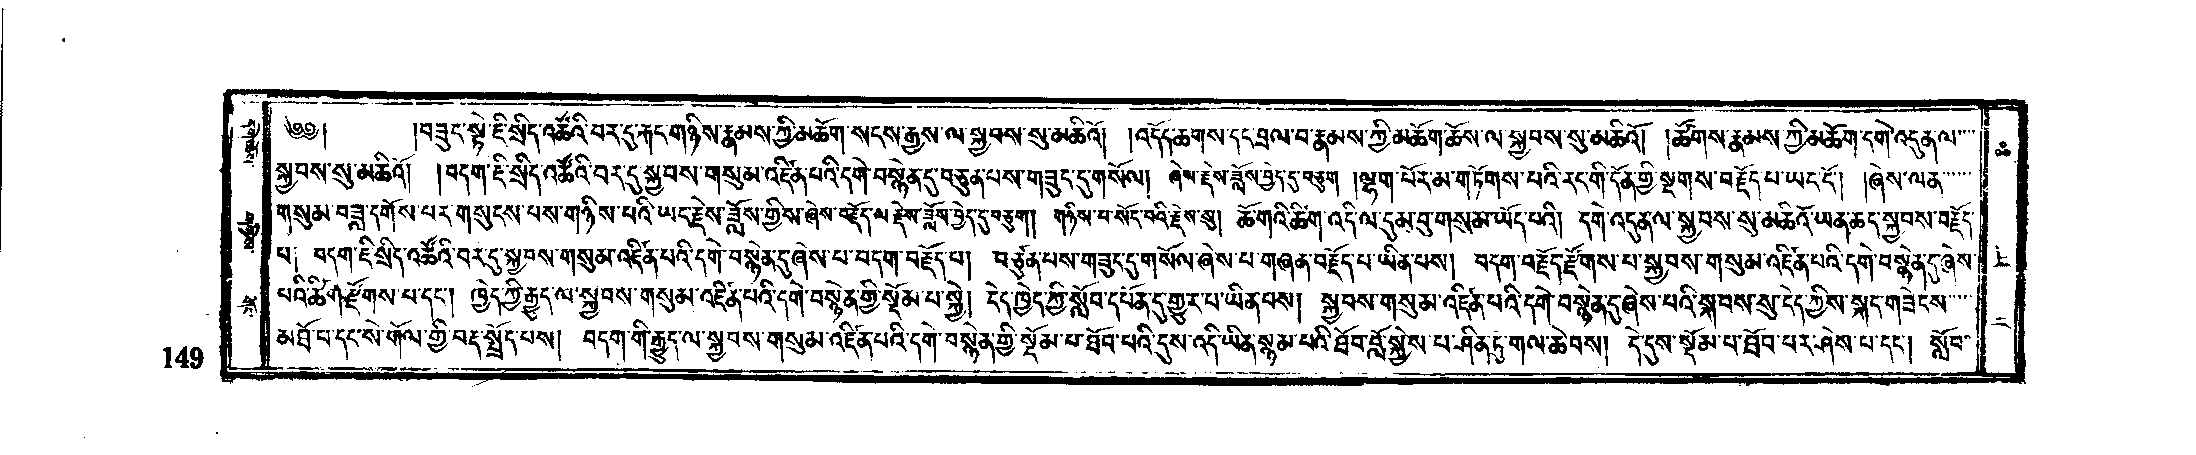༄༅། །བཟུང་སྟེ་ཇི་སྲིད་འཚོའི་བར་དུ་རྐང་གཉིས་རྣམས་ཀྱི་མཆོག་སངས་རྒྱས་ལ་སྐྱབས་སུ་མཆིའོ། །འདོད་ཆགས་དང་བྲལ་བ་རྣམས་ཀྱི་མཆོག་ཆོས་ལ་སྐྱབས་སུ་མཆིའོ། །ཚོགས་རྣམས་ཀྱི་མཆོག་དགེ་འདུན་ལ་
སྐྱབས་སུ་མཆིའོ། །བདག་ཇི་སྲིད་འཚོའི་བར་དུ་སྐྱབས་གསུམ་འཛིན་པའི་དགེ་བསྙེན་དུ་བཙུན?་པས་གཟུང་དུ་གསོལ། ཞེས་རྗེས་ཟློས་བྱེད་དུ་བཅུག་།ལྷག་པོར་མ་གཏོགས་པའི་རང་གི་དོན་གྱི་སྔགས་བརྗོད་པ་ཡང་ངོ། །ཞེས་ལན་
གསུམ་བཟླ་དགོས་པར་གསུངས་པས་གཉིས་པའི་ཡང་རྗེས་ཟློས་གྱིས་ཞེས་བརྗོད་ལ་རྗེས་ཟློས་བྱེད་དུ་བཅུག །གཉིས་པ་སོང་བའི་རྗེས་སུ།  ཆོ་གའི་ཚིག་འདི་ལ་དུམ་བུ་གསུམ་ཡོད་པའི། དགེ་འདུན་ལ་སྐྱབས་སུ་མཆིའོ་ཡན་ཆད་སྐྱབས་བརྗོད་
པ༑ བདག་ཇི་སྲིད་འཚོའི་བར་དུ་སྐྱབས་གསུམ་འཛིན་པའི་དགེ་བསྙེན་དུ་ཞེས་པ་བདག་བརྗོད་པ། བཙུན་པས་གཟུང་དུ་གསོལ་ཞེས་པ་གཞན་བརྗོད་པ་ཡིན་པས། བདག་བརྗོད་རྫོགས་པ་སྐྱབས་གསུམ་འཛིན་པའི་དགེ་བསྙེན་དུ་ཞེས་
པའི་ཚིག་རྫོགས་པ་དང་། ཁྱེད་ཀྱི་རྒྱུད་ལ་སྐྱབས་གསུམ་འཛིན་པའི་དགེ་བསྙེན་གྱི་སྡོམ་པ་སྐྱེ། ངེད་ཁྱེད་ཀྱི་སློབ་དཔོན་དུ་གྱུར་པ་ཡིན་པས། སྐྱབས་གསུམ་འཛིན་པའི་དགེ་བསྙེན་དུ་ཞེས་པའི་སྐབས་སུ་ངེད་ཀྱིས་སྐད་གཟེངས་
མཐོ་པ་དང་སེ་གོལ་གྱི་བརྡ་སྤྲོད་པས། བདག་གི་རྒྱུད་ལ་སྐྱབས་གསུམ་འཛིན་པའི་དགེ་བསྙེན་གྱི་སྡོམ་པ་ཐོབ་པའི་དུས་འདི་ཡིན་སྙམ་པའི་ཐོབ་བློ་སྐྱེས་པ་ཤིན་ཏུ་གལ་ཆེ་བས། དེ་དུས་སྡོམ་པ་ཐོབ་པར་ཤེས་པ་དང་། སློབ་